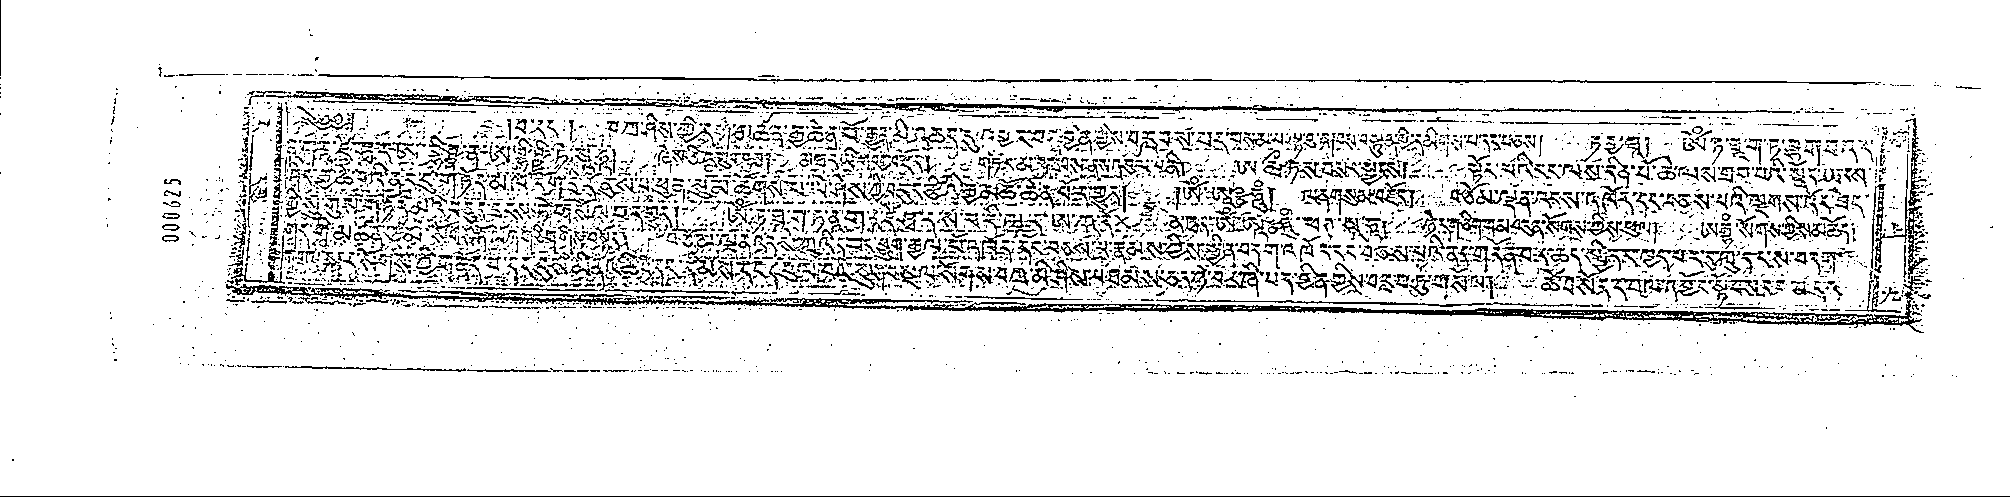༄༅། །བ་དང་། བཀྲ་ཤིས་ཀྱི་དགེ་མཚན་རྒྱ་ཆེན་པོ་རྒྱུན་མི་འཆད་དུ་འབྱང་བར་བྱིན་གྱིས་བརླབས་པར་བསམ་པ་ལྟ་བུ་སྐབས་བསྟུན་གྱི་དམིགས་པ་དང་བཅས། ཏ་བྱ་ཐཱ། ཨོཾ་ཏ་ཐཱ་ག་ཏ་བྷ་ག་བའང་
ནཱ་ག་རཱ་ཛེ་ཤྭ་ར་ཨ་དྷི་ཥཊཿཨ་ན་ཨ་བྷི་ཥཊཿཨི་ཏེ་སྭཱཧཱ། ཞེས་ཅི་འགྲུབ་བཟླ། མཐར་ཡིག་བརྒྱ་བརྗོད། གཏོར་མ་བརླབས་ནས་འབུལ་བ་ནི། ཨ་མྲྀ་ཏས་བསང་སྦྱངས། སྟོང་པའི་ངང་ལས་རིན་པོ་ཆེ་ལས་གྲུབ་པའི་སྣོད་ཡངས་
ཤིང་རྒྱ་ཆེ་བའི་ནང་དུ་གཏོར་མ་ཁ་དོག་དྲི་རོ་ནུས་པ་ཕུན་སུམ་ཚོགས་པ་ཡེ་ཤེས་ཀྱི་བདུད་རྩིའི་རྒྱ་མཚོ་ཆེན་པོར་གྱུར། །ཨོཾ་ཨཱཿ་ཧཱུཾ། ལན་གསུམ་བརྗོད། བཅོམ་ལྡན་འདས་འཁོར་དང་བཅས་པའི་ལྗགས་འོད་ཟེར་
གྱི་སྤུ་གུས་གཏོར་མའི་བཅུད་དྲངས་ཏེ་གསོལ་བར་གྱུར། ཨོཾ་ཏ་ཐཱ་ག་ཏ་ནཱ་ག་རཱ་ཛེ་ཤྭ་ར་ས་པ་རི་ཝཱ་ར་ཨ་ཀཱ་རོ་྾་ན་ཏྭ་ད་ཨོཾ་ཨཱཿ་ཧཱུཾ་ཕཊ་སྭཱཧཱ། ཉེར་གཅིག་གམ་བདུན་སོགས་ཀྱིས་ཕུལ། ཨརྒྷཾ་སོགས་ཀྱིས་མཆོད།
གང་གི་མཚན་ཙམ་སོགས་ཤོ་ལོ་ཀ་གཅིག་གིས་བསྟོད། བཅོམ་ལྡན་འདས་ཀླུའི་དབང་ཕྱུག་རྒྱལ་པོ་འཁོར་དང་བཅས་པ་རྣམས་ཀྱིས་སྦྱིན་བདག་འཁོར་དང་བཅས་པའི་ནད་གདོན་བར་ཆད་སྤྱི་དང་ཁྱད་པར་དུ་ཀླུ་དང་ས་བདག་
གཟལ་སྐར་སོགས་ཀྱི་གནོད་པ་དང་དུས་མིན་འཆི་བ་དང་རིམས་དང་དབུལ་བའི་སྡུག་བསྔལ་སོགས་བཀྲ་མི་ཤིས་པར་ཐམས་ཅད་ཉེ་བར་ཞི་བར་བྱིན་གྱིས་བརླབ་ཏུ་གསོལ། ཚེ་བསོད་དཔལ་འབྱོར་སྟོབས་དང་མདའ་